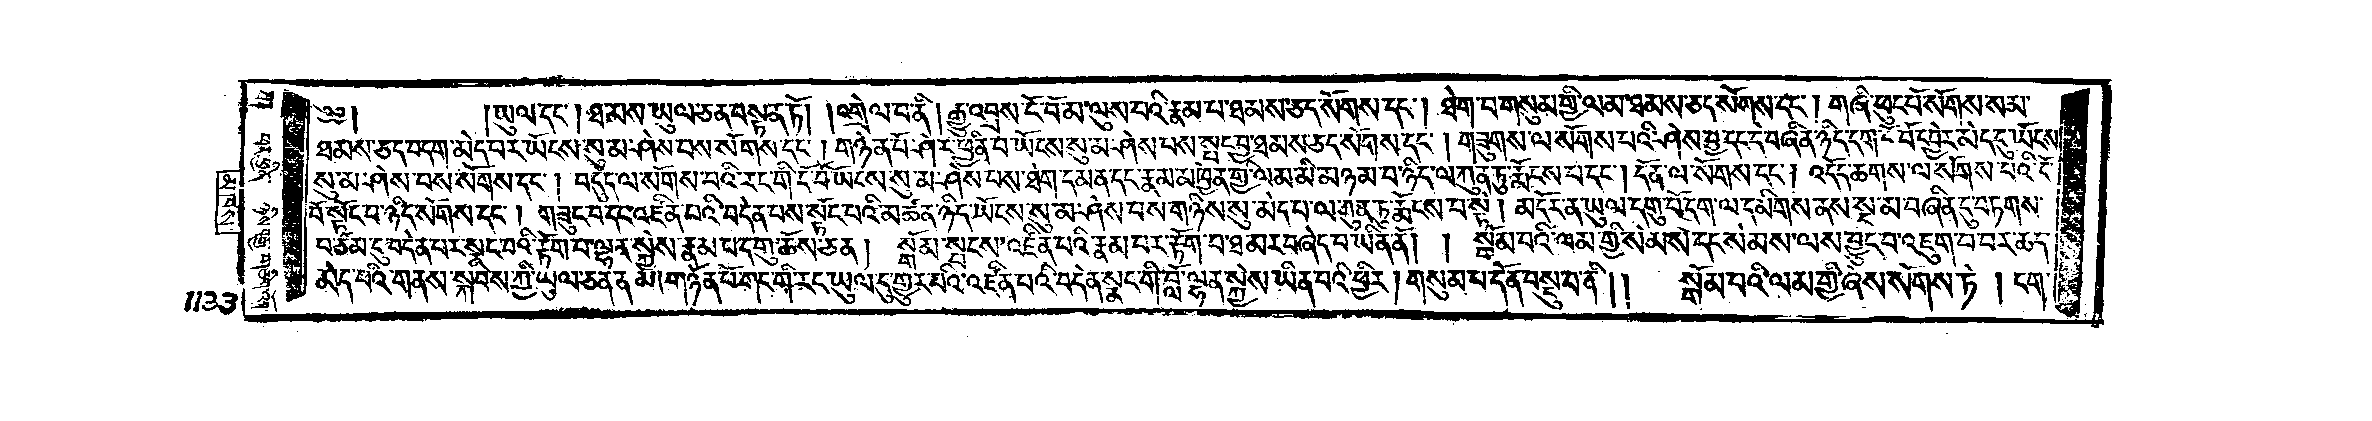སེཅོནད་༄༅། །ཡུལ་དང་། ཐམས་ཡུལ་ཅན་བསྟན་ཏོ། །འགྲེལ་བ་ནི། རྒྱུ་འབྲས་ངོ་བོ་མ་ལུས་པའི་རྣམ་པ་ཐམས་ཅད་སོགས་དང་། ཐེག་པ་གསུམ་གྱི་ལམ་ཐམས་ཅད་སོགས་དང་། གཞི་ཕུང་པོ་སོགས་སམ་
ཐམས་ཅད་བདག་མེད་པར་ཡོངས་སུ་མ་ཤེས་པས་སོགས་དང་། གཉེན་པོ་ཤེར་ཕྱིན་པ་ཡོངས་སུ་མ་ཤེས་པས་སྤང་བྱ་ཐམས་ཅད་སོགས་དང་། གཟུགས་ལ་སོགས་པའི་ཤེས་བྱ་དང་དེ་བཞིན་ཉིད་དག་ངོ་བོ་དབྱེར་མེད་དུ་ཡོངས་
སུ་མ་ཤེས་པས་སོགས་དང་། བདུད་ལ་སོགས་པའི་རང་གི་ངོ་བོ་ཡོངས་སུ་མ་ཤེས་པས་ཐེག་དམན་དང་རྣམ་མཁྱེན་གྱི་ལམ་མི་མཉམ་པ་ཉིད་ལ་ཀུན་ཏུ་རྨོངས་པ་དང་། དོན་ལ་སོགས་དང་། འདོད་ཆགས་ལ་སོགས་པའི་ངོ་
བོ་སྟོང་པ་ཉིད་སོགས་དང་། གཟུང་བ་དང་འཛིན་པའི་བདེན་པས་སྟོང་པའི་མཚན་ཉིད་ཡོངས་སུ་མ་ཤེས་པས་གཉིས་སུ་མེད་པ་ལ་ཀུན་ཏུ་རྨོངས་པ་སྟེ། མདོར་ན་ཡུལ་དགུ་པོ་དག་ལ་དམིགས་ནས་སྔ་མ་བཞིན་དུ་བཏགས་
པ་ཙམ་དུ་བདེན་པར་སྣང་བའི་རྟོག་པ་ལྷན་སྐྱེས་རྣམ་པ་དགུ་ཆོས་ཅན། སྒོམ་སྤངས་འཛིན་པའི་རྣམ་པར་རྟོག་པ་ཐ་མར་བཞེད་པ་ཡིན་ནོ། །སྒོམ་པའི་ལམ་གྱི་སེམས་དང་སེམས་ལས་བྱུང་བ་འཇུག་པ་བར་ཆད་
མེད་པའི་གནས་སྐབས་ཀྱི་ཡུལ་ཅན་ནམ། གཉེན་པོ་གང་གི་རང་ཡུལ་དུ་གྱུར་པའི་འཛིན་པའི་བདེན་སྣང་གི་བློ་ལྷན་སྐྱེས་ཡིན་པའི་ཕྱིར། གསུམ་པ་དོན་བསྡུ་བ་ནི།། སྒོམ་པའི་ལམ་གྱི་ཞེས་སོགས་ཏེ། ངག་